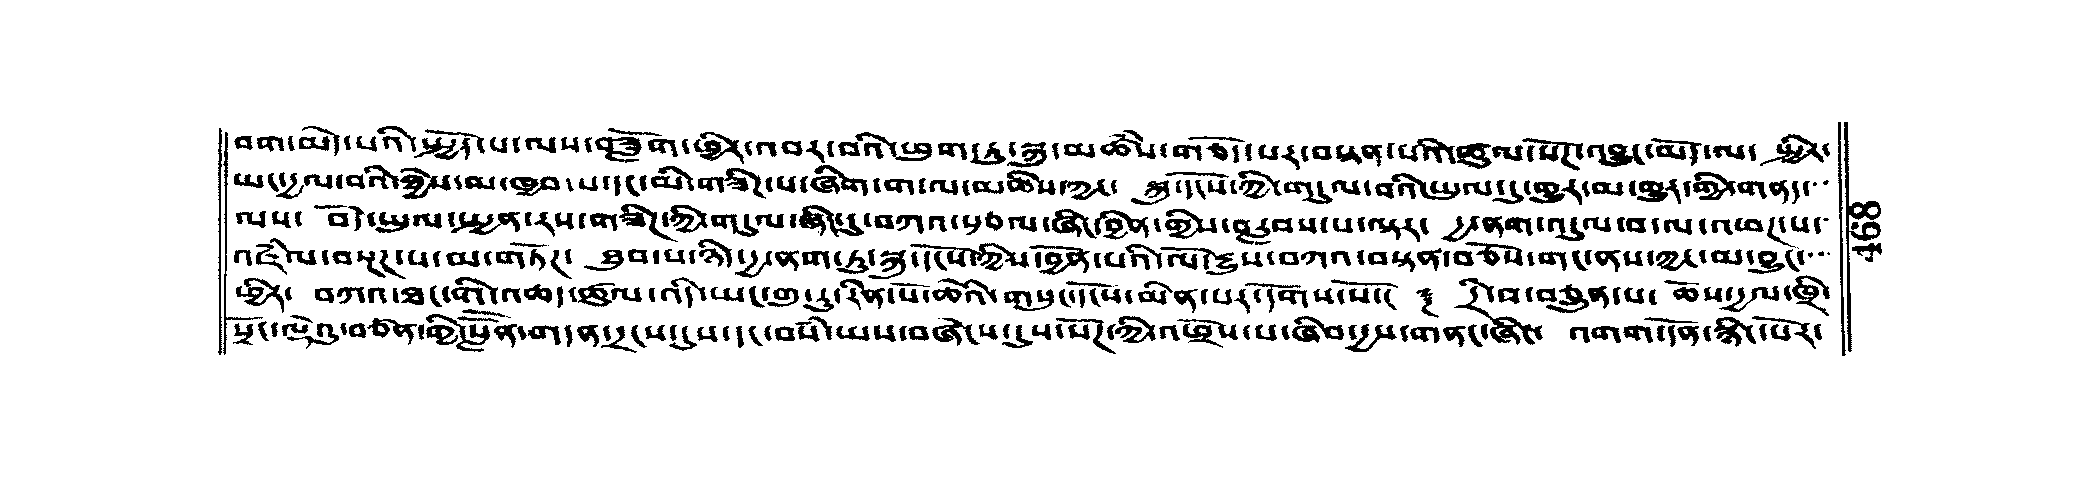བག་མེད་པའི་སྤྱོད་པ་ལས་བཟློག་ཕྱིར་འབར་བའི་ཕུག་ཏུ་སྐུ་མཚམས་གཅོད་པར་བསྟན་པའི་ཚུལ་སོགས་འབྱུང་མོད་ལ། སྤྱིར་
ཡང་རྒྱལ་བའི་ཐུགས་རྗེས་མ་ཁྱབ་པ་དང་མི་གཟིགས་པ་ཞིག་ག་ལ་མཆིས་ཀྱང་། སྐུ་དངོས་ཀྱི་གདུལ་བའི་ཡུལ་དུ་གྱུར་མ་གྱུར་གྱི་གནད་
ལས། བོད་ཡུལ་སྤྱན་རས་གཟིགས་ཀྱི་གདུལ་ཞིང་དུ་བཀའ་བསྩལ་ཞིང་བྱིན་གྱིས་བརླབས་པ་ལྟར། རྒྱ་ནག་འདུལ་བ་ལ་འཕགས་པ་
འཇམ་དཔལ་བསྔགས་པ་མ་གཏོགས། ཐུབ་པ་ཉིད་རྒྱ་ནག་ཏུ་སྐུ་དངོས་ཀྱིས་བྱོན་པའི་ལོ་རྒྱུས་བཀའ་བསྟན་བཅོས་གང་ནས་ཀྱང་མ་བྱུང་
ཕྱིར། བཀའ་ཐང་གི་འཆད་ཚུལ་འདི་ཡང་གུ་རུ་རིན་པོ་ཆེའི་གསུང་དངོས་ཡིན་པར་དོགས་སོ། ༈ དྲི་བ་བཅུ་བདུན་པ། ཆོས་རྒྱལ་ཁྲི་
སྲོང་ལྡེའུ་བཙན་གྱི་སློབ་དཔོན་གདན་དྲངས་དུས་དང་བསམ་ཡས་བཞེངས་དུས་སོགས་ཀྱི་འཕྲོས་པ་ཞིབ་རྒྱས་གནང་ཞིང་། འགག་དོན་སྙིང་པོར་